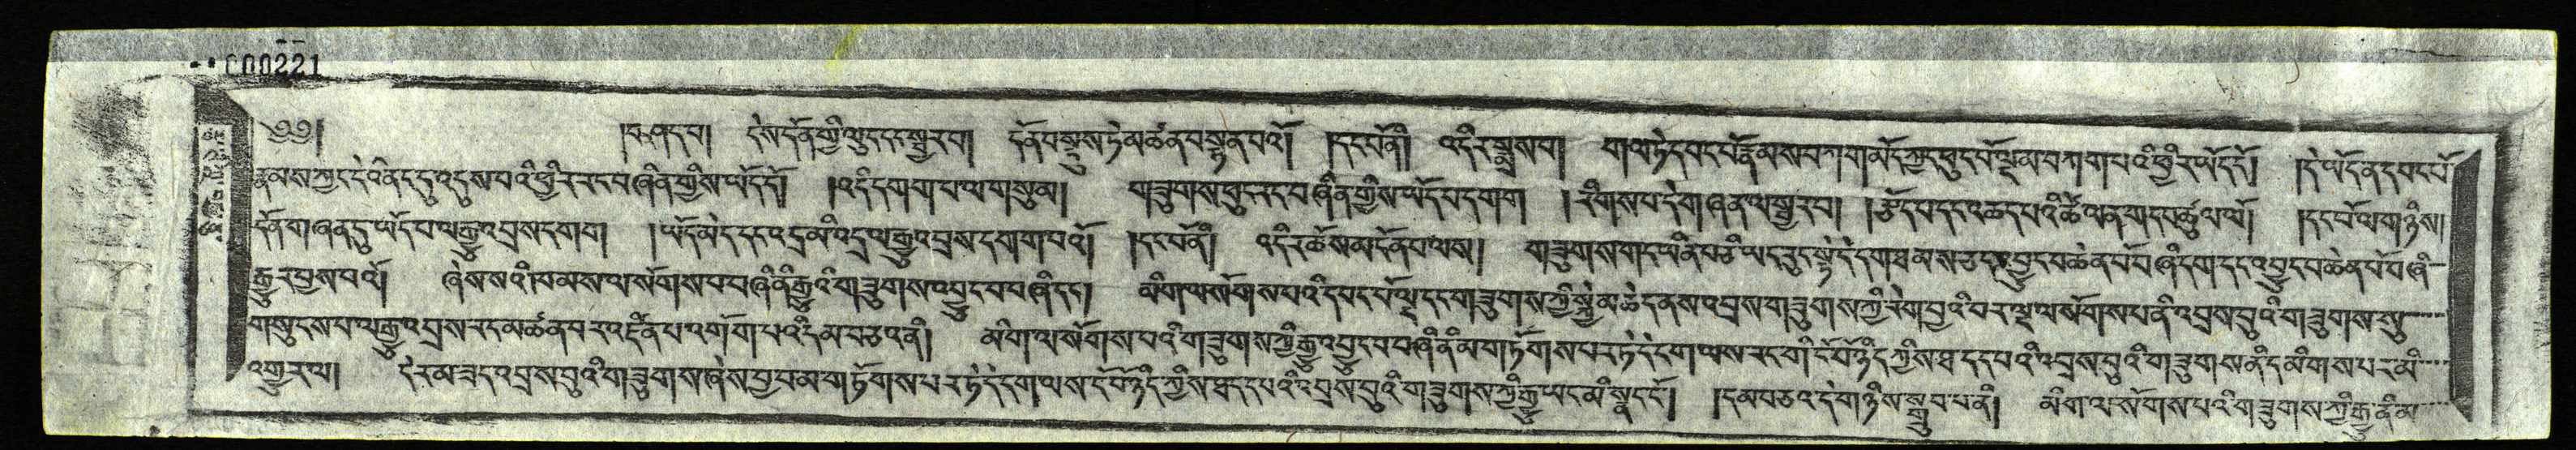༄༅། །བཤད་པ། ངེས་དོན་གྱི་ལུང་དང་སྦྱར་བ། དོན་བསྡུས་ཏེ་མཚན་བསྟན་པའོ། །དང་པོ་ནི། འདིར་སྨྲས་པ། གལ་ཏེ་དབང་པོ་རྣམས་བཀག་མོད་ཀྱང་ཕུང་པོ་ལྔ་མ་བཀག་པའི་ཕྱིར་ཡོད་དོ། །དེ་ཡོད་ན་དབང་པོ་
རྣམས་ཀྱང་དེའི་ནང་དུ་འདུས་པའི་ཕྱིར་རང་བཞིན་གྱིས་ཡོད་དོ། །འདི་དགག་པ་ལ་གསུམ། གཟུགས་ཕུང་རང་བཞིན་གྱིས་ཡོད་པ་དགག །རིགས་པ་དེ་གཞན་ལ་སྦྱར་བ། །རྩོད་པ་དང་འཆད་པའི་ཚེ་ལན་གདབ་ཚུལ་ལོ། །དང་པོ་ལ་གཉིས།
དོན་གཞན་དུ་ཡོད་པ་ལ་རྒྱུ་འབྲས་དགག །ཡོད་མེད་དང་འདྲ་མི་འདྲ་ལ་རྒྱུ་འབྲས་དགག་པའོ། །དང་པོ་ནི། འདིར་ཆོས་མངོན་པ་ལས། གཟུགས་གང་ཡིན་པ་ཅི་ཡང་རུང་སྟེ་དེ་དག་ཐམས་ཅད་འབྱུང་བ་ཆེན་པོ་བཞི་དག་དང་འབྱུང་བ་ཆེན་པོ་བཞི་
རྒྱུར་བྱས་པའོ། ཞེས་སའི་ཁམས་ལ་སོགས་པ་བཞི་ནི་རྒྱུའི་གཟུགས་འབྱུང་བ་བཞི་དང་། མིག་ལ་སོགས་པའི་དབང་པོ་ལྔ་དང་གཟུགས་ཀྱི་སྐྱེ་མཆེད་ནས་འབྲས་གཟུགས་ཀྱི་རེག་བྱའི་བར་ལྔ་ལ་སོགས་པ་ནི་འབྲས་བུའི་གཟུགས་སུ་
གསུངས་པ་ལ་རྒྱུ་འབྲས་རང་མཚན་བར་འཛིན་པ་འགོག་པའི་དམ་བཅའ་ནི། མིག་ལ་སོགས་པའི་གཟུགས་ཀྱི་རྒྱུ་འབྱུང་བ་བཞི་ནི་མ་གཏོགས་པར་ཏེ་དེ་དག་ལས་རང་གི་ངོ་བོ་ཉིད་ཀྱིས་ཐ་དད་པའི་འབྲས་བུའི་གཟུགས་ནི་དམིགས་པར་མི་
འགྱུར་ལ། དེར་མ་ཟད་འབྲས་བུའི་གཟུགས་ཞེས་བྱ་བ་མ་གཏོགས་པར་ཏེ་དེ་དག་ལས་ངོ་བོ་ཉིད་ཀྱིས་ཐ་དད་པའི་འབྲས་བུའི་གཟུགས་ཀྱི་རྒྱུ་ཡང་མི་སྣང་ངོ། །དམ་བཅའ་དེ་གཉིས་སྒྲུབ་པ་ནི། མིག་ལ་སོགས་པའི་གཟུགས་ཀྱི་རྒྱུ་ནི་མ་